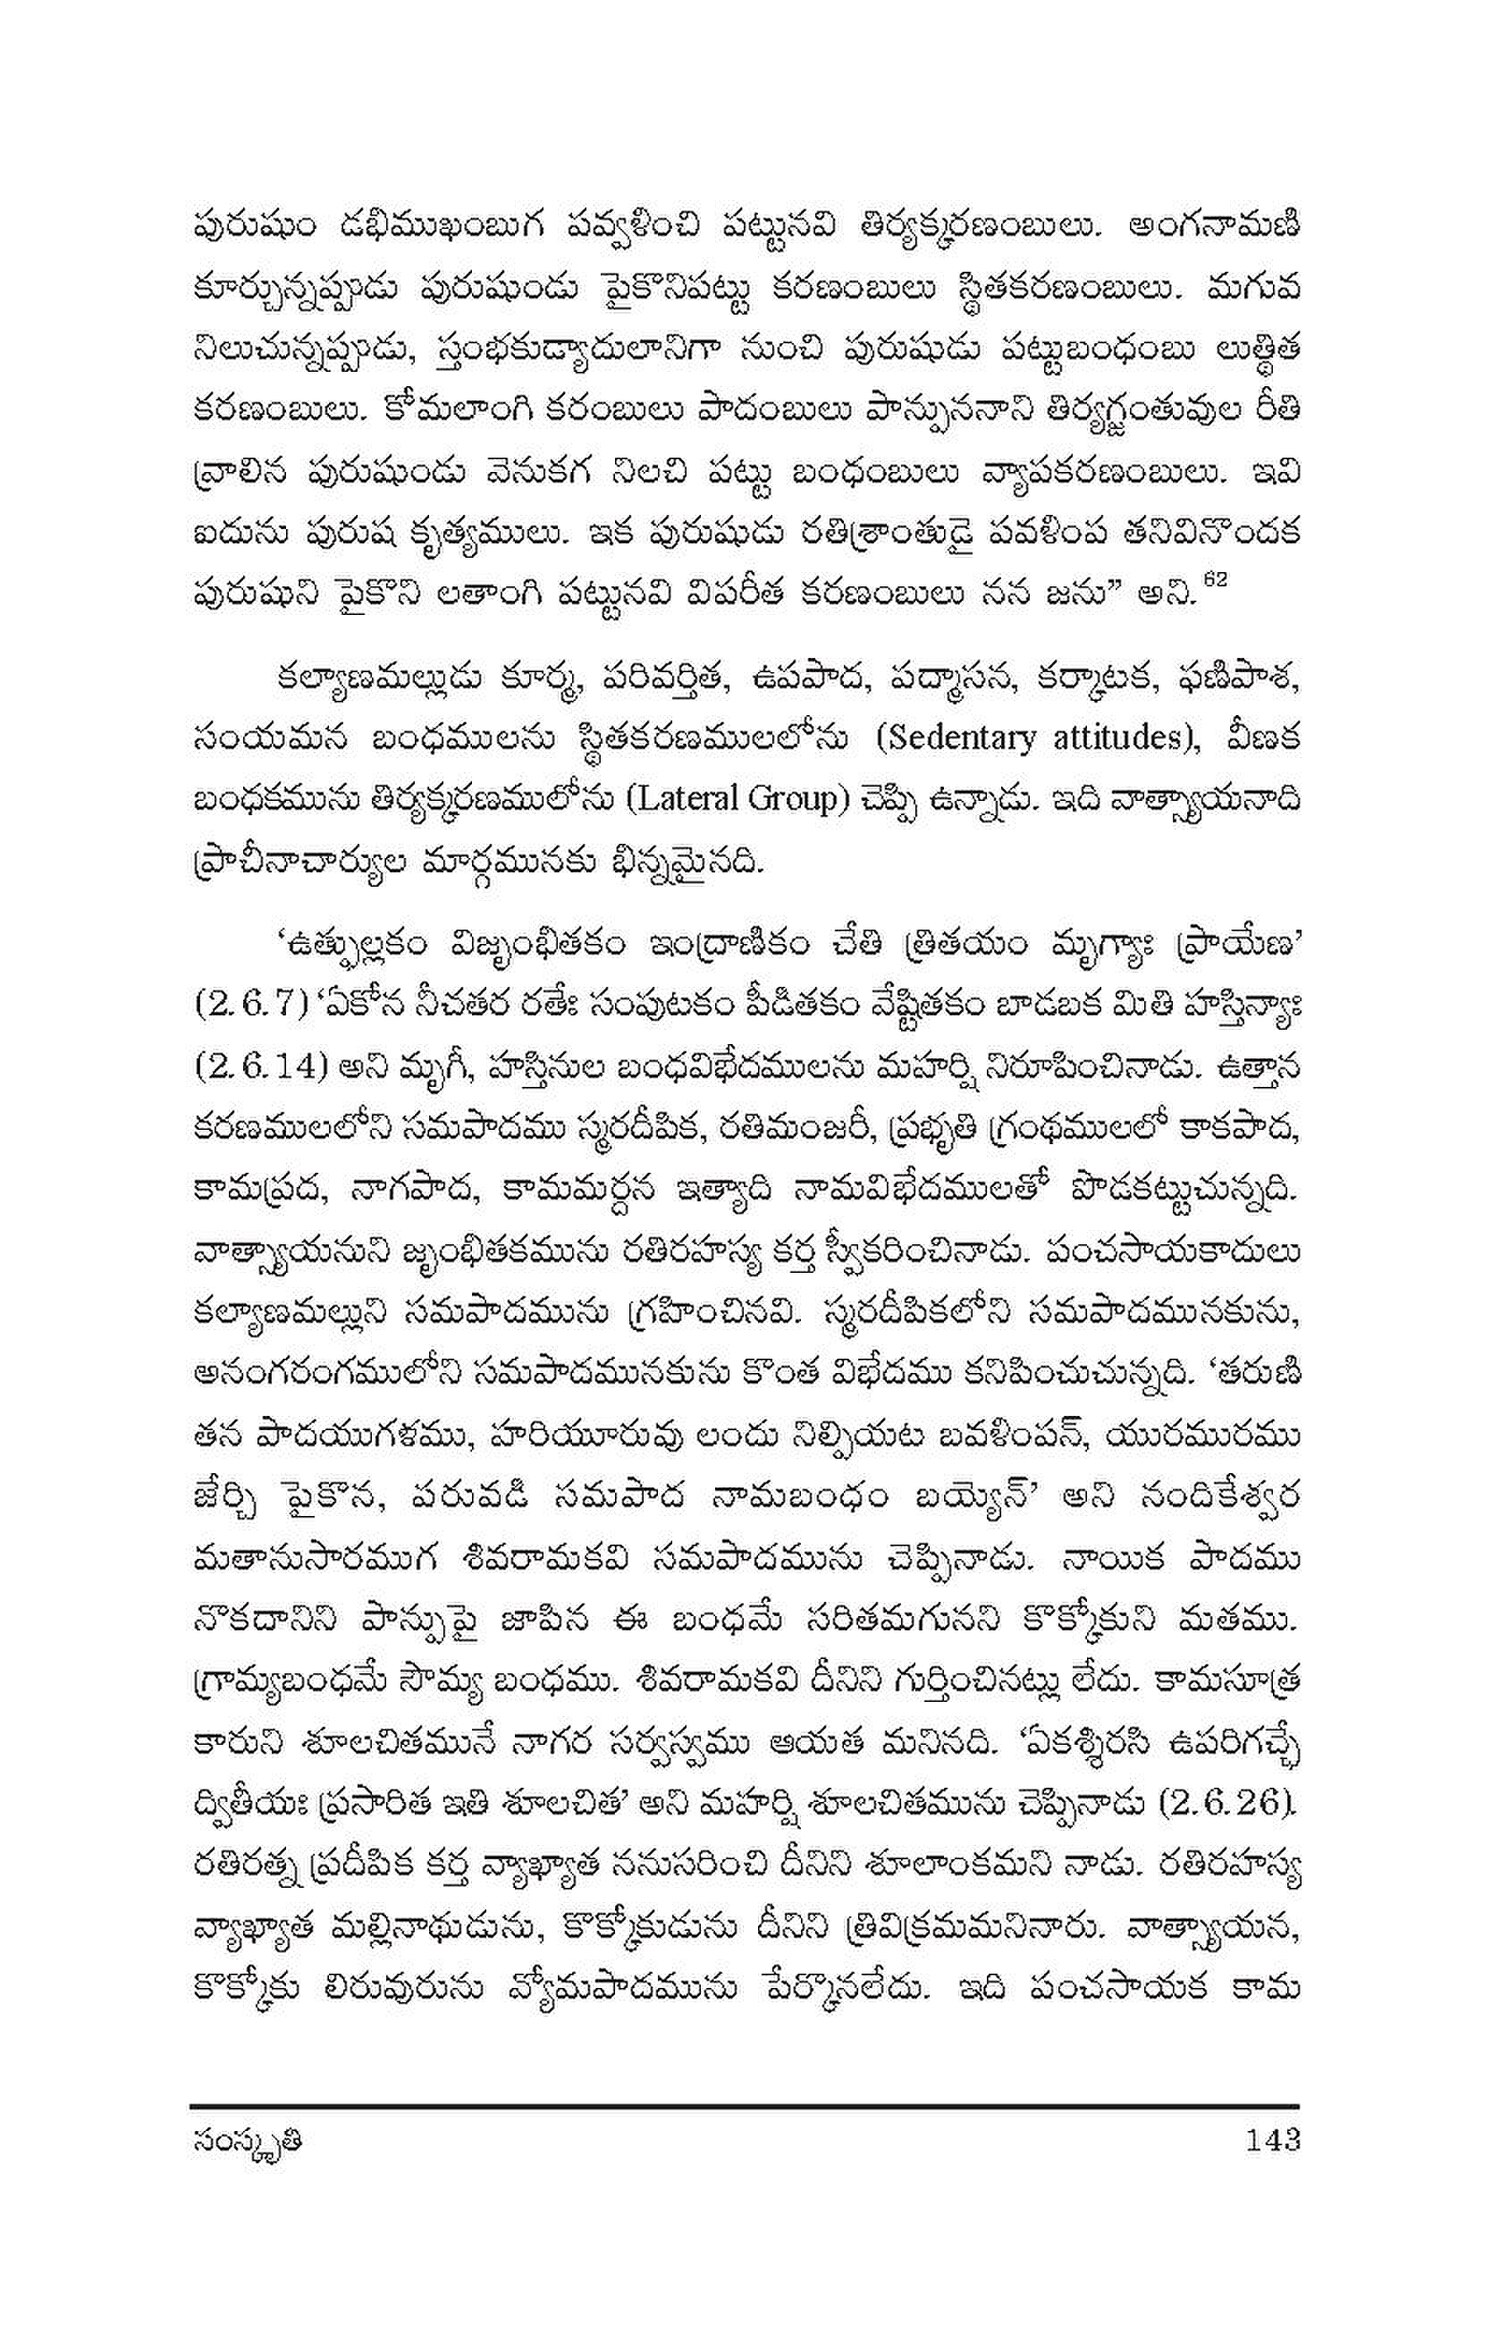పురుషుం డభిముఖంబుగ పవ్వళించి పట్టునవి తిర్యక్కరణంబులు. అంగనామణి
కూర్చున్నప్పుడు పురుషుండు పైకొనిపట్టు కరణంబులు స్థితకరణంబులు. మగువ
నిలుచున్నప్పుడు, స్తంభకుడ్యాదులానిగా నుంచి పురుషుడు పట్టుబంధంబు లుబ్ధిత
కరణంబులు. కోమలాంగి కరంబులు పాదంబులు పాన్పుననాని తిర్యగ్జంతువుల రీతి
వ్రాలిన పురుషుండు వెనుకగ నిలచి పట్టు బంధంబులు వ్యాపకరణంబులు. ఇవి
ఐదును పురుష కృత్యములు. ఇక పురుషుడు రతిశ్రాంతుడై పవళింప తనివినొందక
పురుషుని పైకొని లతాంగి పట్టునవి విపరీత కరణంబులు నన జను" అని.

కల్యాణమల్లుడు కూర్మ, పరివర్తిత, ఉపపాద, పద్మాసన, కర్కాటక, ఫణిపాశ,
సంయమన బంధములను స్థితకరణములలోను (Sedentary attitudes), వీణక
బంధకమును తిర్యక్కరణములోను (Lateral Group) చెప్పి ఉన్నాడు. ఇది వాత్స్యాయనాది
ప్రాచీనాచార్యుల మార్గమునకు భిన్నమైనది.

'ఉత్ఫులకం విజృంభితకం ఇంద్రాణికం చేతి త్రితయం మృగ్యాః ప్రాయేణ’
(2.6.7) ‘ఏకోన నీచతర రతేః సంపుటకం పీడితకం వేష్టితకం బాడబక మితి హస్తిన్యాః
(2.6.14) అని మృగీ, హస్తినుల బంధవిభేదములను మహర్షి నిరూపించినాడు. ఉత్తాన
కరణములలోని సమపాదము స్మరదీపిక, రతిమంజరీ, ప్రభృతి గ్రంథములలో కాకపాద,
కామప్రద, నాగపాద, కామమర్దన ఇత్యాది నామవిభేదములతో పొడకట్టుచున్నది.
వాత్స్యాయనుని జృంభితకమును రతిరహస్య కర్త స్వీకరించినాడు. పంచసాయకాదులు
కల్యాణమల్లుని సమపాదమును గ్రహించినవి. స్మరదీపికలోని సమపాదమునకును,
అనంగరంగములోని సమపాదమునకును కొంత విభేదము కనిపించుచున్నది. 'తరుణి
తన పాదయుగళము, హరియూరువు లందు నిల్పియట బవళింపన్, యురమురము
జేర్చి పైకొన, పరువడి సమపాద నామబంధం బయ్యెన్' అని నందికేశ్వర
మతానుసారముగ శివరామకవి సమపాదమును చెప్పినాడు. నాయిక పాదము
నొకదానిని పాన్పుపై జాపిన ఈ బంధమే సరితమగునని కొక్కోకుని మతము.
గ్రామ్యబంధమే సౌమ్య బంధము. శివరామకవి దీనిని గుర్తించినట్లు లేదు. కామసూత్ర
కారుని శూలచితమునే నాగర సర్వస్వము ఆయత మనినది. 'ఏకశ్శిరసి ఉపరిగచ్ఛే
ద్వితీయః ప్రసారిత ఇతి శూలచిత' అని మహర్షి శూలచితమును చెప్పినాడు (2.6.26).
రతిరత్న ప్రదీపిక కర్త వ్యాఖ్యాత ననుసరించి దీనిని శూలాంకమని నాడు. రతిరహస్య
వ్యాఖ్యాత మల్లినాథుడును, కొక్కోకుడును దీనిని త్రివిక్రమమనినారు. వాత్స్యాయన,
కొక్కోకు లిరువురును వ్యోమపాదమును పేర్కొనలేదు. ఇది పంచసాయక కామ